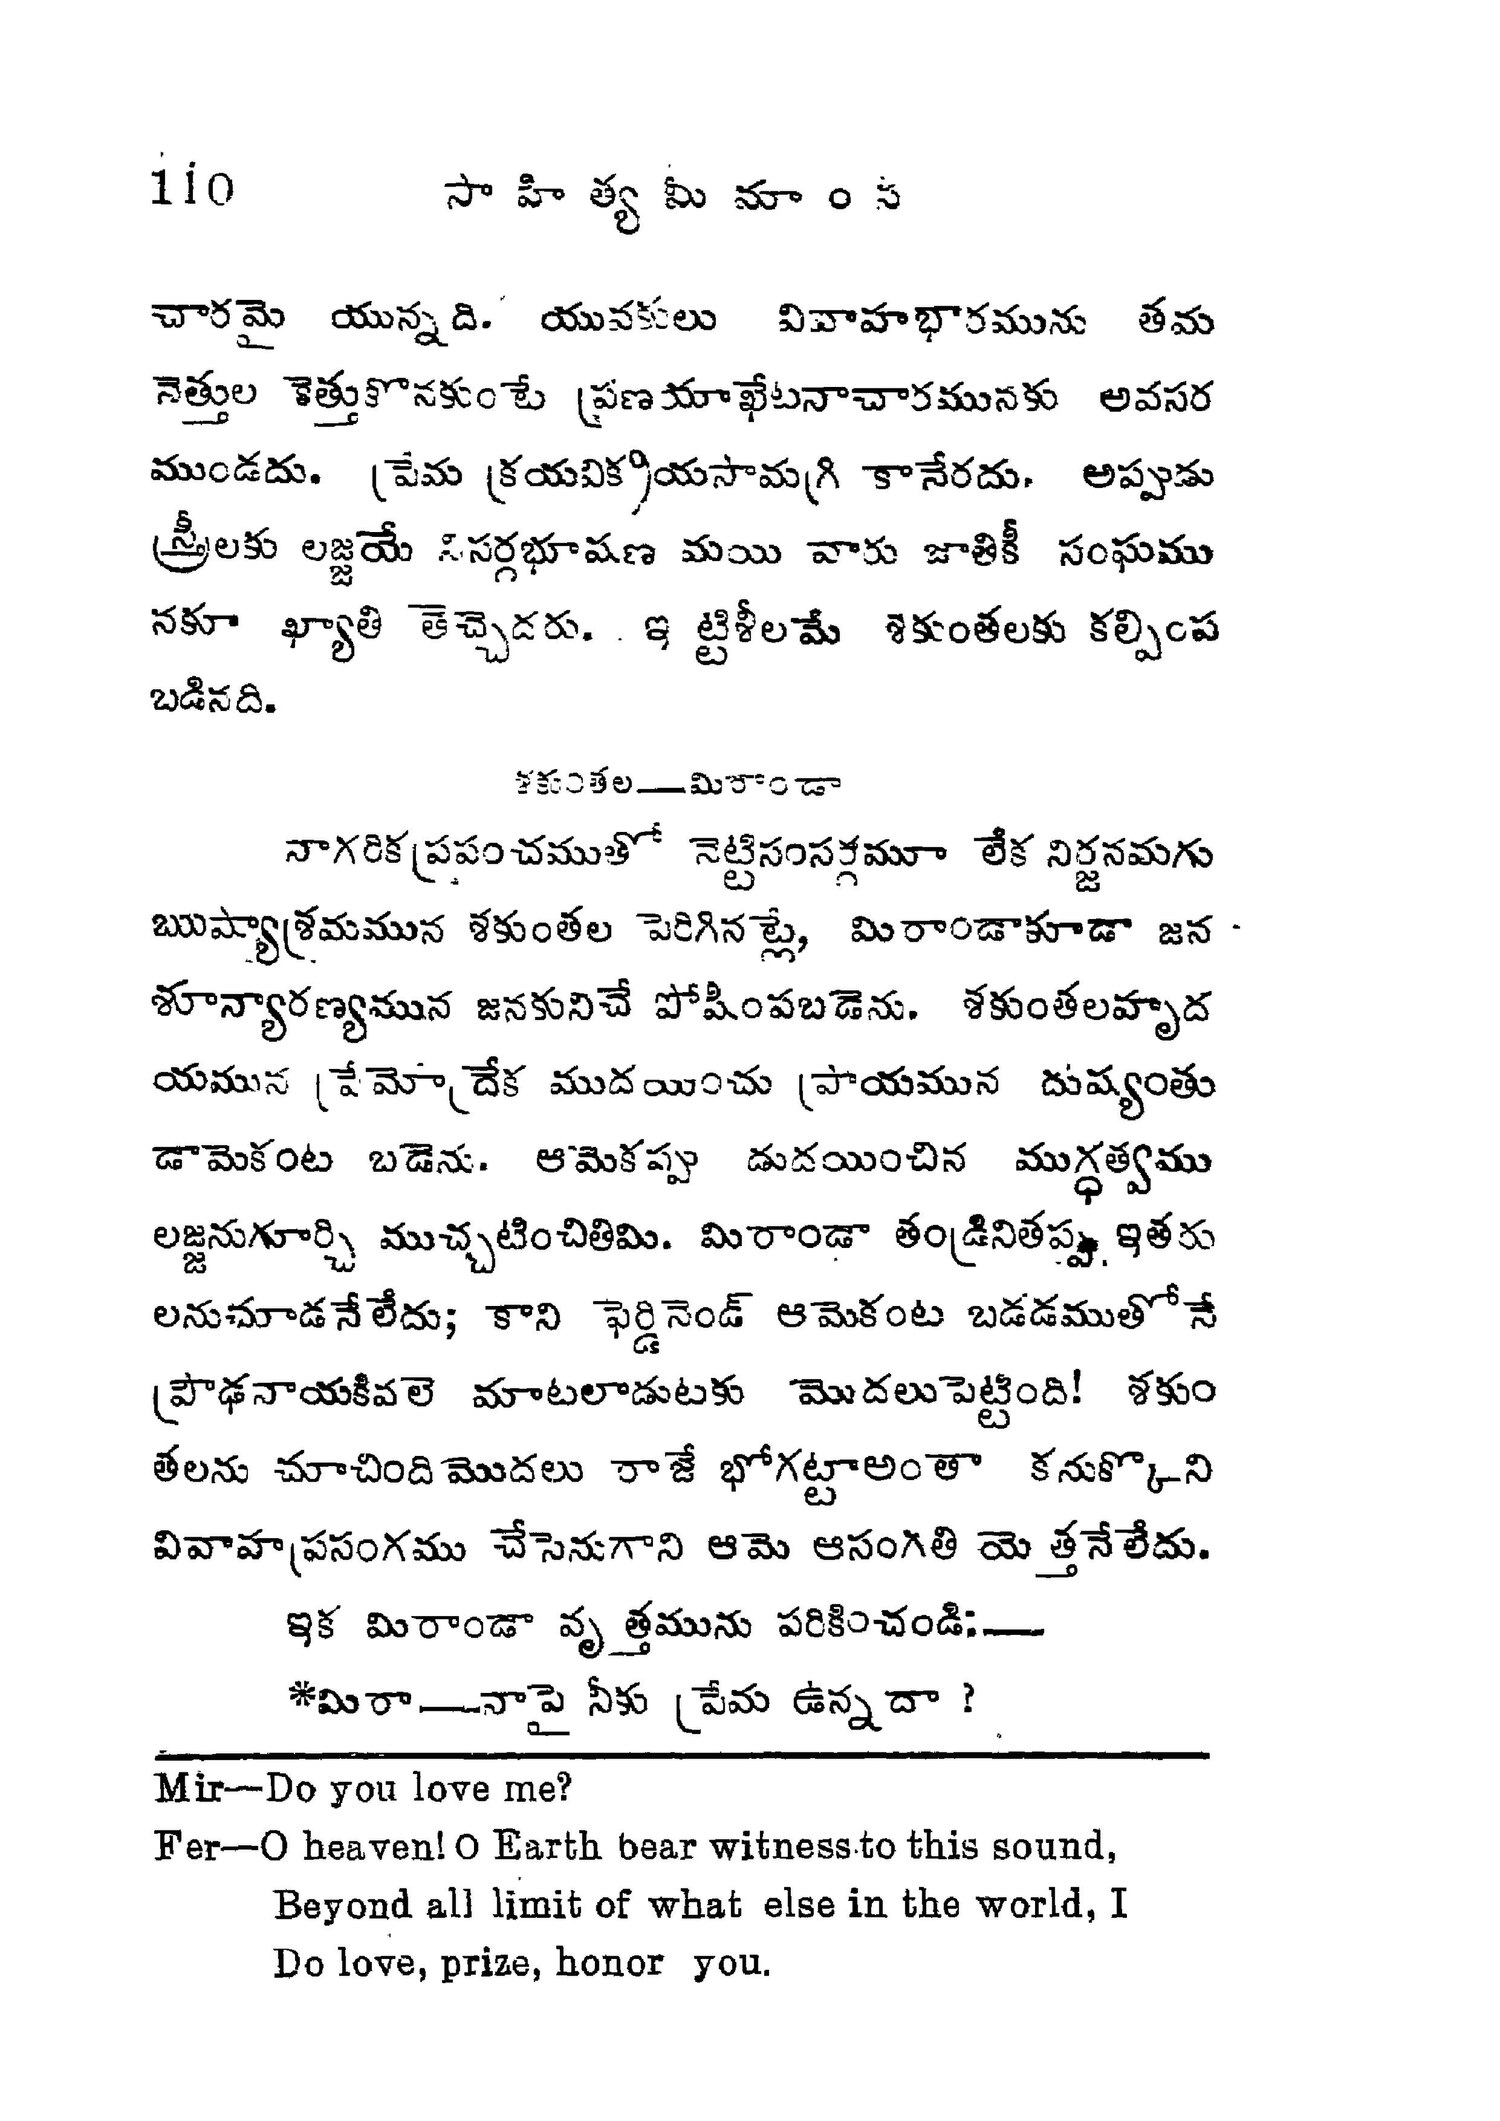చారమై యున్నది. యువకులు వివాహభారమును తమ నెత్తుల కెత్తుకొనకుంటే ప్రణయాఖేటనాచారమునకు అవసర ముండదు. ప్రేమ క్రయవిక్రయసామగ్రి కానేరదు. అప్పుడు స్త్రీలకు లజ్జయే నిసర్గభూషణ మయి వారు జాతికీ సంఘమునకూ ఖ్యాతి తెచ్చెదరు. ఇట్టిశీలమే శకుంతలకు కల్పింప బడినది.

నాగరికప్రపంచముతో నెట్టిసంసర్గమూ లేక నిర్జనమగు ఋష్యాశ్రమమున శకుంతల పెరిగినట్లే, మిరాండాకూడా జనశూన్యారణ్యమున జనకునిచే పోషింపబడెను. శకుంతలహృదయమున ప్రేమోద్రేక ముదయించు ప్రాయమున దుష్యంతు డామెకంట బడెను. ఆమెకప్పు డుదయించిన ముగ్ధత్వము లజ్జనుగూర్చి ముచ్చటించితిమి. మిరాండా తండ్రినితప్ప ఇతరులనుచూడనేలేదు; కాని ఫెర్డినెండ్ ఆమెకంట బడడముతోనే ప్రౌఢనాయకివలె మాటలాడుటకు మొదలుపెట్టింది! శకుంతలను చూచిందిమొదలు రాజే భోగట్టాఅంతా కనుక్కొని వివాహప్రసంగము చేసెనుగాని ఆమె ఆసంగతి యెత్తనేలేదు.

ఇక మిరాండా వృత్తమును పరికించండి : _

మిరా - నాపై నీకు ప్రేమ ఉన్నదా ?